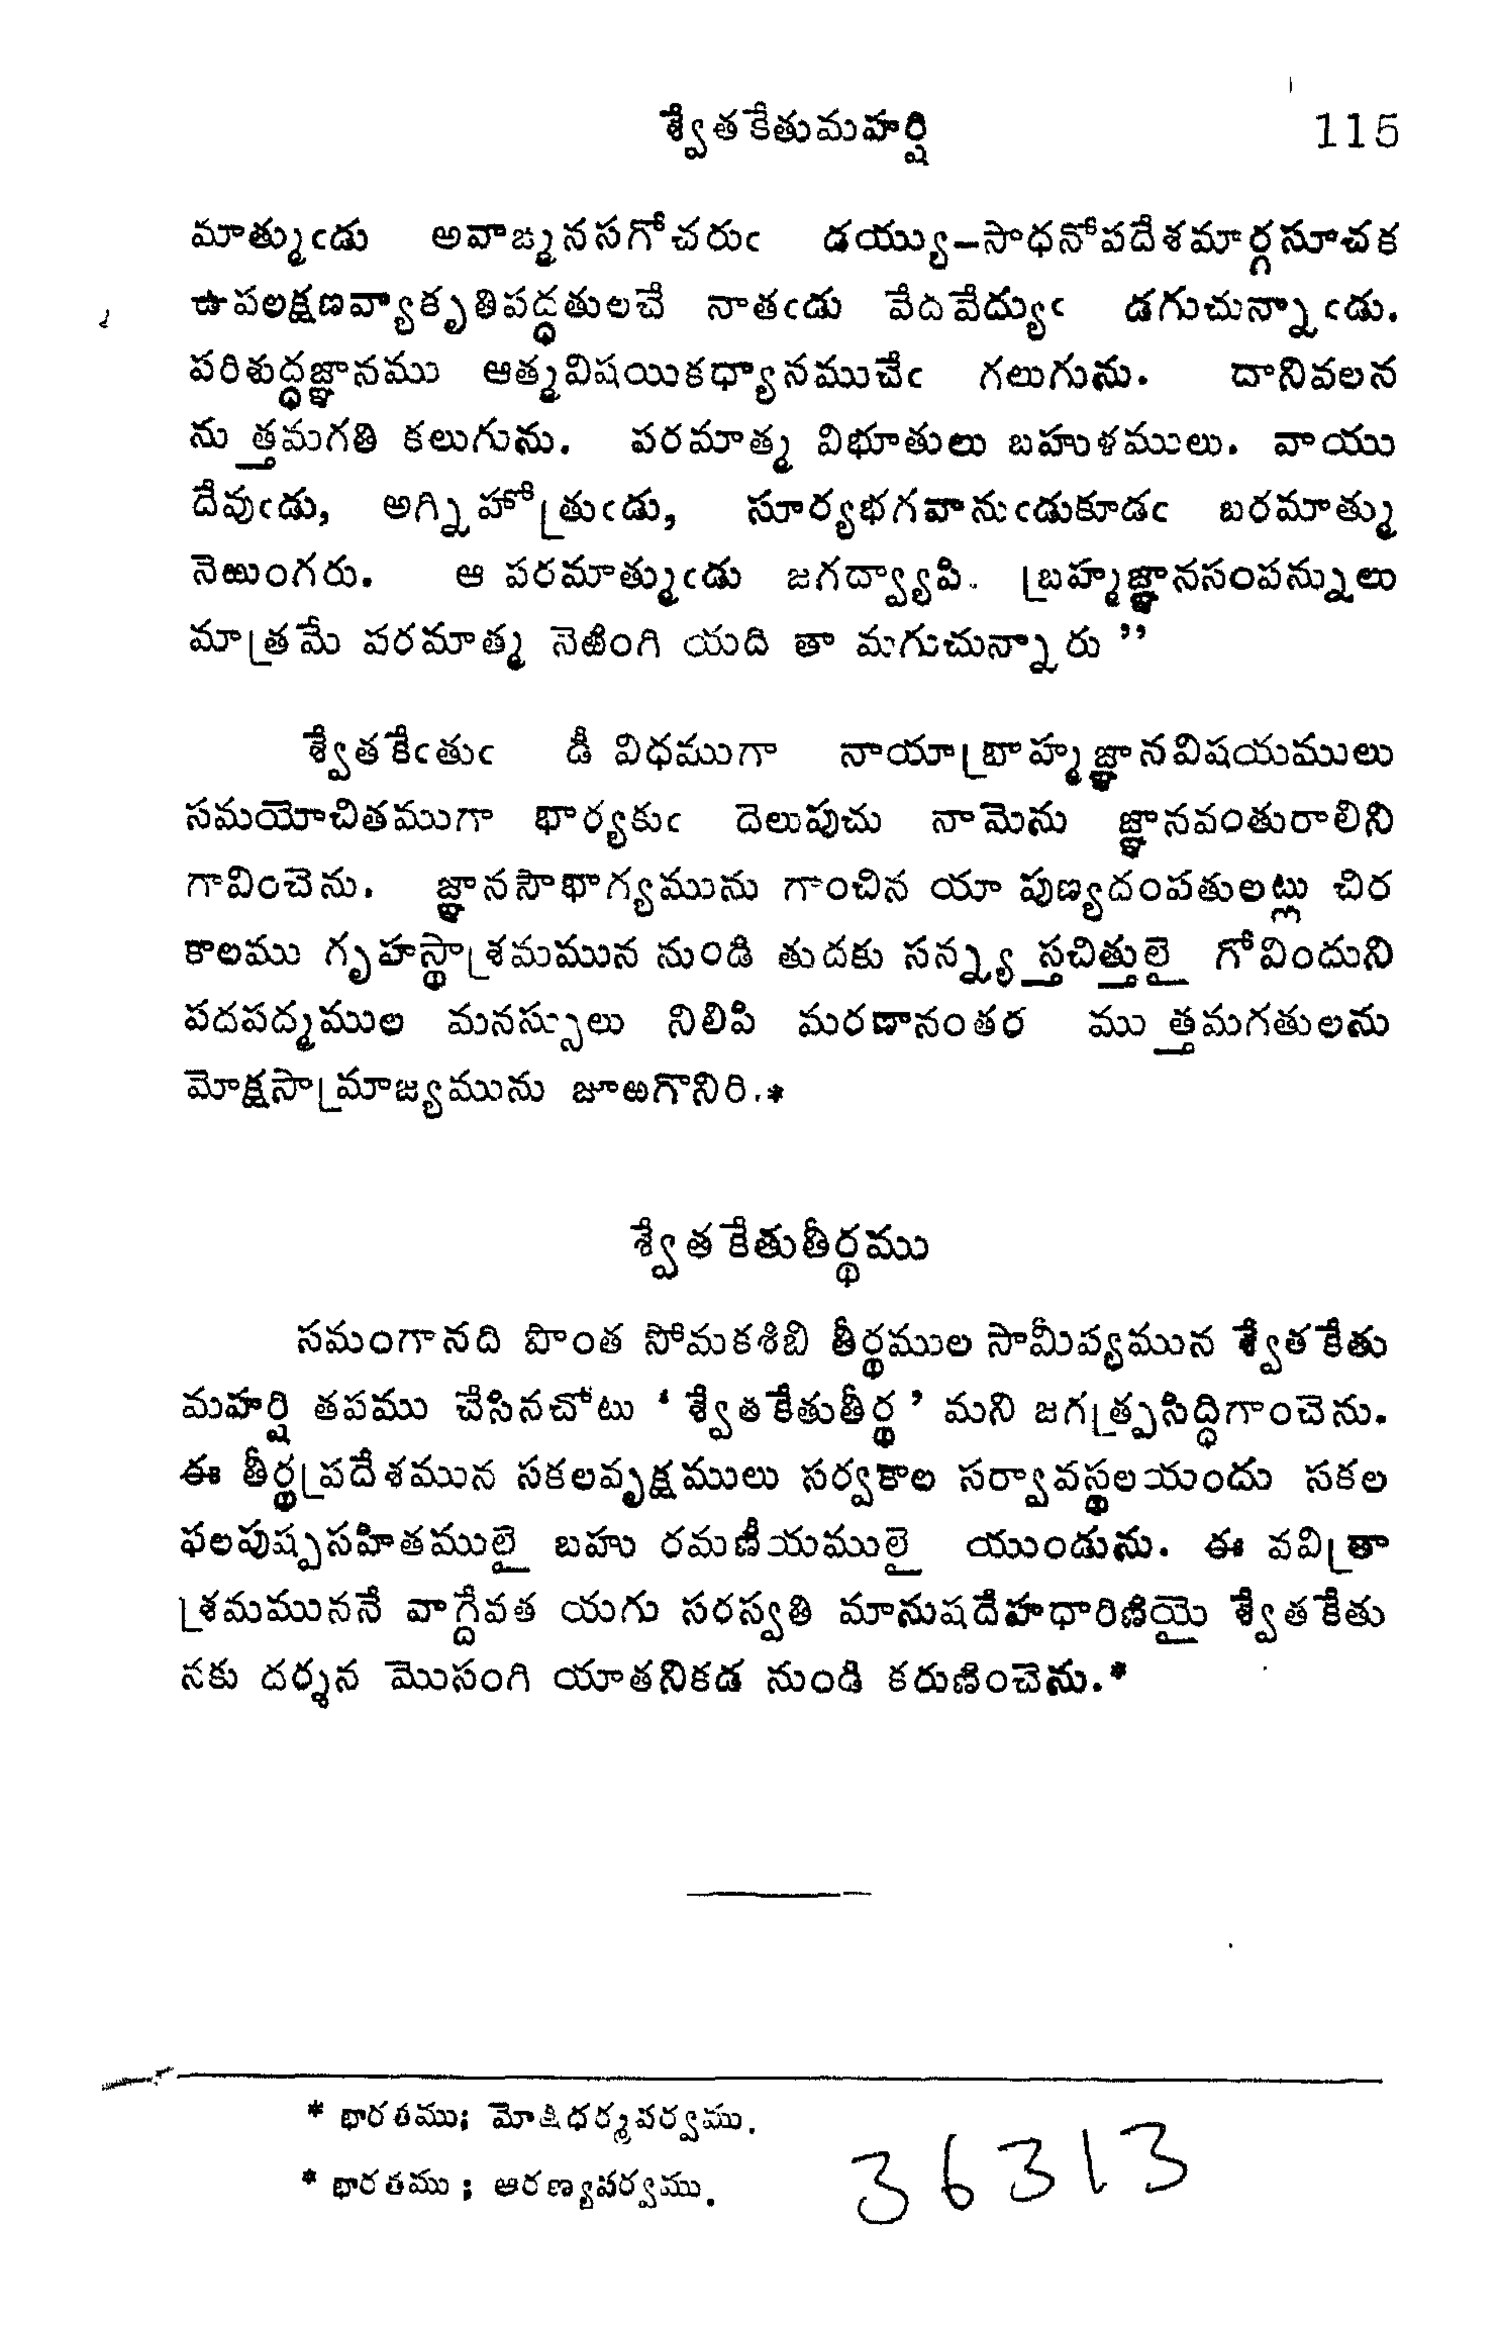మాత్ముఁడు అవాఙ్మనసగోచరుఁ డయ్యు-సాధనోపదేశమార్గసూచక ఉపలక్షణవ్యాకృతిపద్ధతులచే నాతఁడు వేదవేద్యుఁ డగుచున్నాఁడు. పరిశుద్దజ్ఞానము ఆత్మవిషయికధ్యానముచేఁ గలుగును. దానివలన నుత్తమగతి కలుగును. పరమాత్మ విభూతులు బహుళములు. వాయుదేవుఁడు, అగ్నిహోత్రుఁడు, సూర్యభగవానుఁడుకూడఁ బరమాత్ము నెఱుంగరు. ఆ పరమాత్ముఁడు జగద్వ్యాపి. బ్రహ్మజ్ఞానసంపన్నులు మాత్రమే పరమాత్మ నెఱింగి యది ఆ మగుచున్నారు”

శ్వేతకేఁతుఁ డీ విధముగా నాయాబ్రాహ్మజ్ఞానవిషయములు సమయోచితముగా భార్యకుఁ దెలుపుచు నామెను జ్ఞానవంతురాలిని గావించెను. జ్ఞానసౌభాగ్యమును గాంచిన యా పుణ్యదంపతులట్లు చిరకాలము గృహస్థాశ్రమమున నుండి తుదకు సన్న్యస్తచిత్తులై గోవిందుని పదపద్మముల మనస్సులు నిలిపి మరణానంతర ముత్తమగతులను మోక్షసామ్రాజ్యమును జూఱగొనిరి.*

శ్వేతకేతుతీర్థము 

సమంగానది పొంత సోమకశిబి తీర్థముల సామీప్యమున శ్వేతకేతుమహర్షి తపము చేసినచోటు 'శ్వేతకేతుతీర్థ ' మని జగత్ప్రసిద్ధిగాంచెను. ఈ తీర్థప్రదేశమున సకలవృక్షములు సర్వకాల సర్వావస్థలయందు సకల ఫలపుష్పసహితములై బహు రమణీయములై యుండును. ఈ వవిత్రాశ్రమముననే వాగ్దేవత యగు సరస్వతి మానుషదేహధారిణియై శ్వేతకేతునకు దర్శన మొసంగి యాతనికడ నుండి కరుణించేను.†